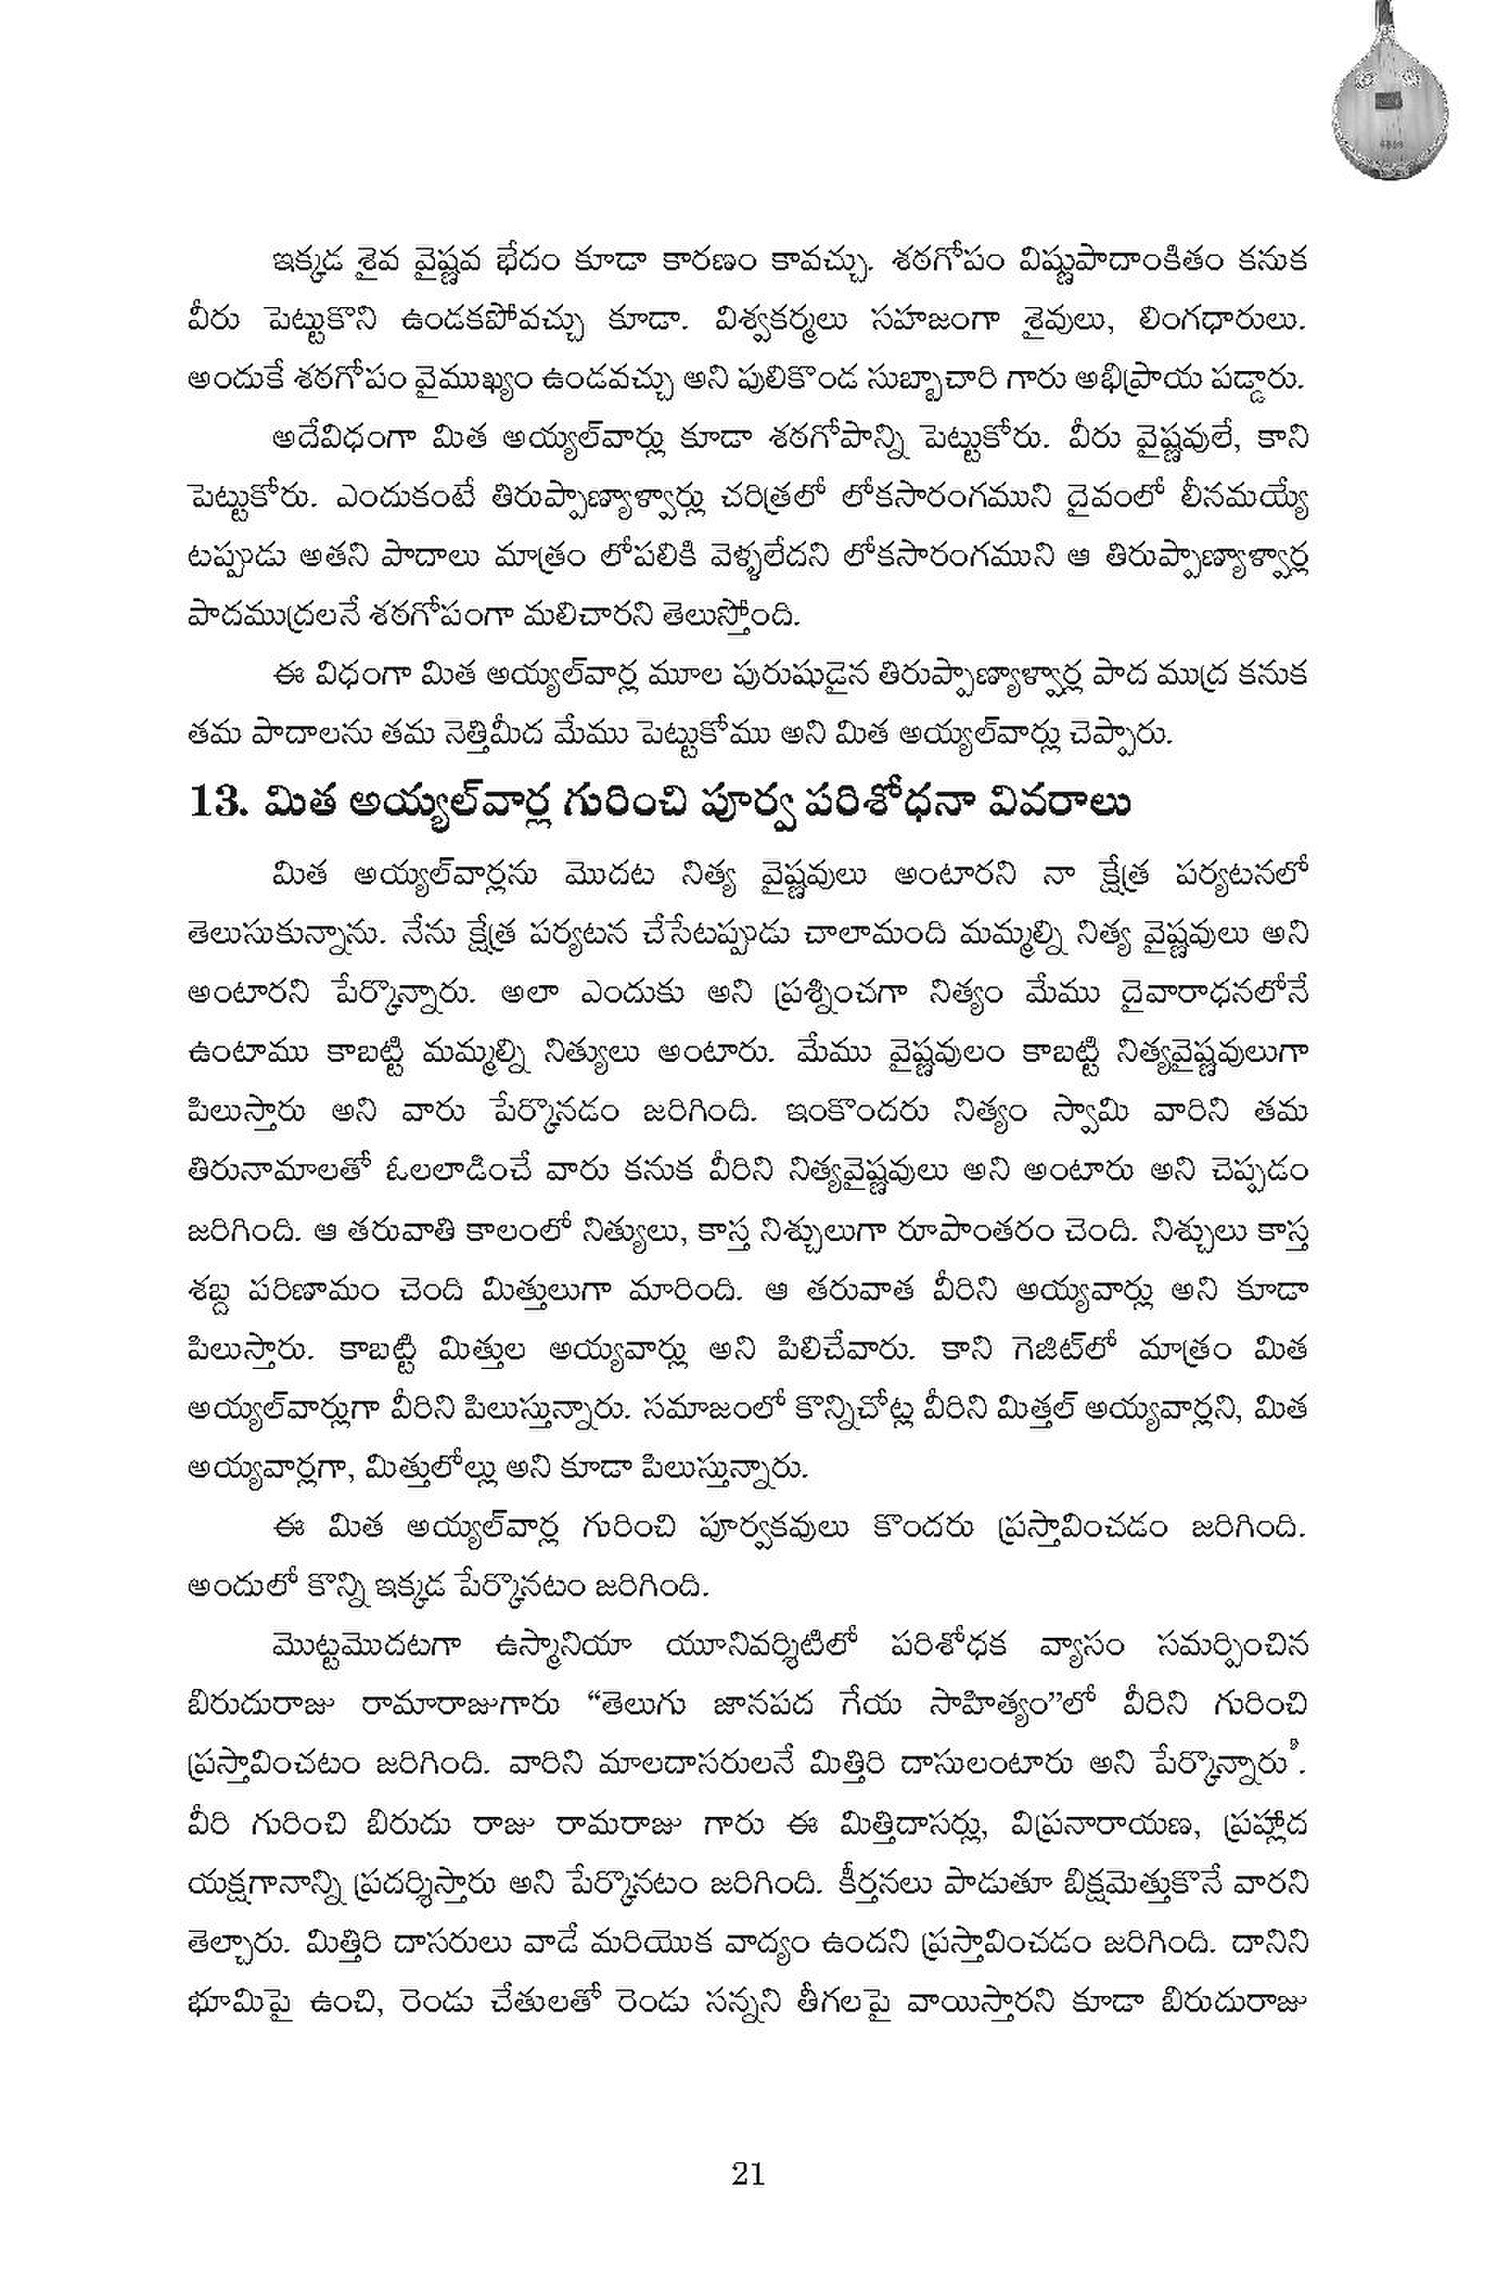ఇక్కడ శైవ వైష్ణవ భేదం కూడా కారణం కావచ్చు. శఠగోపం విష్ణుపాదాంకితం కనుక వీరు పెట్టుకొని ఉండకపోవచ్చు కూడా. విశ్వకర్మలు సహజంగా శైవులు, లింగధారులు. అందుకే శఠగోపం వైముఖ్యం ఉండవచ్చు అని పులికొండ సుబ్బాచారి గారు అభిప్రాయ పడ్డారు.

అదేవిధంగా మిత అయ్యల్వార్లు కూడా శఠగోపాన్ని పెట్టుకోరు. వీరు వైష్ణవులే, కాని పెట్టుకోరు. ఎందుకంటే తిరుప్పాణ్యాళ్వార్లు చరిత్రలో లోక సారంగముని దైవంలో లీనమయ్యే టప్పుడు అతని పాదాలు మాత్రం లోపలికి వెళ్ళలేదని లోకసారంగముని ఆ తిరుప్పాణ్యాళ్వార్ల పాదముద్రలనే శఠగోపంగా మలిచారని తెలుస్తోంది.

ఈ విధంగా మిత అయ్యలా ్వర్ల మూల పురుషుడైన తిరుప్పాణ్యాళ్వార్ల పాద ముద్ర కనుక తమ పాదాలను తమ నెత్తిమీద మేము పెట్టుకోము అని మిత అయ్యల్వార్లు చెప్పారు.

13. మిత అయ్యల్వార్ల గురించి పూర్వ పరిశోధనా వివరాలు 

మిత అయ్యల్వార్లను మొదట నిత్య వైష్ణవులు అంటారని నా క్షేత్ర పర్యటనలో తెలుసుకున్నాను. నేను క్షేత్ర పర్యటన చేసేటప్పుడు చాలామంది మమ్మల్ని నిత్య వైష్ణవులు అని అంటారని పేర్కొన్నారు. అలా ఎందుకు అని ప్రశ్నించగా నిత్యం మేము దైవారాధనలోనే ఉంటాము కాబట్టి మమ్మల్ని నిత్యులు అంటారు. మేము వైష్ణవులం కాబట్టి నిత్యవైష్ణవులుగా
పిలుస్తారు అని వారు పేర్కొనడం జరిగింది. ఇంకొందరు నిత్యం స్వామి వారిని తమ తిరునామాలతో ఓలలాడించే వారు కనుక వీరిని నిత్యవైష్ణవులు అని అంటారు అని చెప్పడం జరిగింది. ఆ తరువాతి కాలంలో నిత్యులు, కాస్త నిశ్చులుగా రూపాంతరం చెంది. నిశ్చులు కాస్త శబ్ద పరిణామం చెంది మిత్తులుగా మారింది. ఆ తరువాత వీరిని అయ్యవార్లు అని కూడా
పిలుస్తారు. కాబట్టి మిత్తుల అయ్యవార్లు అని పిలిచేవారు. కాని గెజిట్ లో మాత్రం మిత అయ్యల్వార్లుగా వీరిని పిలుస్తున్నారు. సమాజంలో కొన్నిచోట్ల వీరిని మిత్తల్ అయ్యవార్లని, మిత అయ్యవార్లగా, మిత్తులోల్లు అని కూడా పిలుస్తున్నారు.

ఈ మిత అయ్యల్వార్ల గురించి పూర్వకవులు కొందరు ప్రస్తావించడం జరిగింది.అందులో కొన్ని ఇక్కడ పేర్కొనటం జరిగింది.

మొట్టమొదటగా ఉస్మానియా యూనివర్శిటిలో పరిశోధక వ్యాసం సమర్పించిన బిరుదురాజు రామారాజుగారు “తెలుగు జానపద గేయ సాహిత్యంలో వీరిని గురించి ప్రస్తావించటం జరిగింది. వారిని మాలదాసరులనే మిత్తిరి దాసులంటారు అని పేర్కొన్నారు. వీరి గురించి బిరుదు రాజు రామరాజు గారు ఈ మిత్తిదాసర్లు, విప్రనారాయణ, ప్రహ్లాద యక్షగానాన్ని ప్రదర్శిస్తారు అని పేర్కొనటం జరిగింది. కీర్తనలు పాడుతూ బిక్షమెత్తుకొనే వారని తెల్చారు. మిత్తిరి దాసరులు వాడే మరియొక వాద్యం ఉందని ప్రస్తావించడం జరిగింది. దానిని భూమిపై ఉంచి, రెండు చేతులతో రెండు సన్నని తీగలపై వాయిస్తారని కూడా బిరుదురాజు